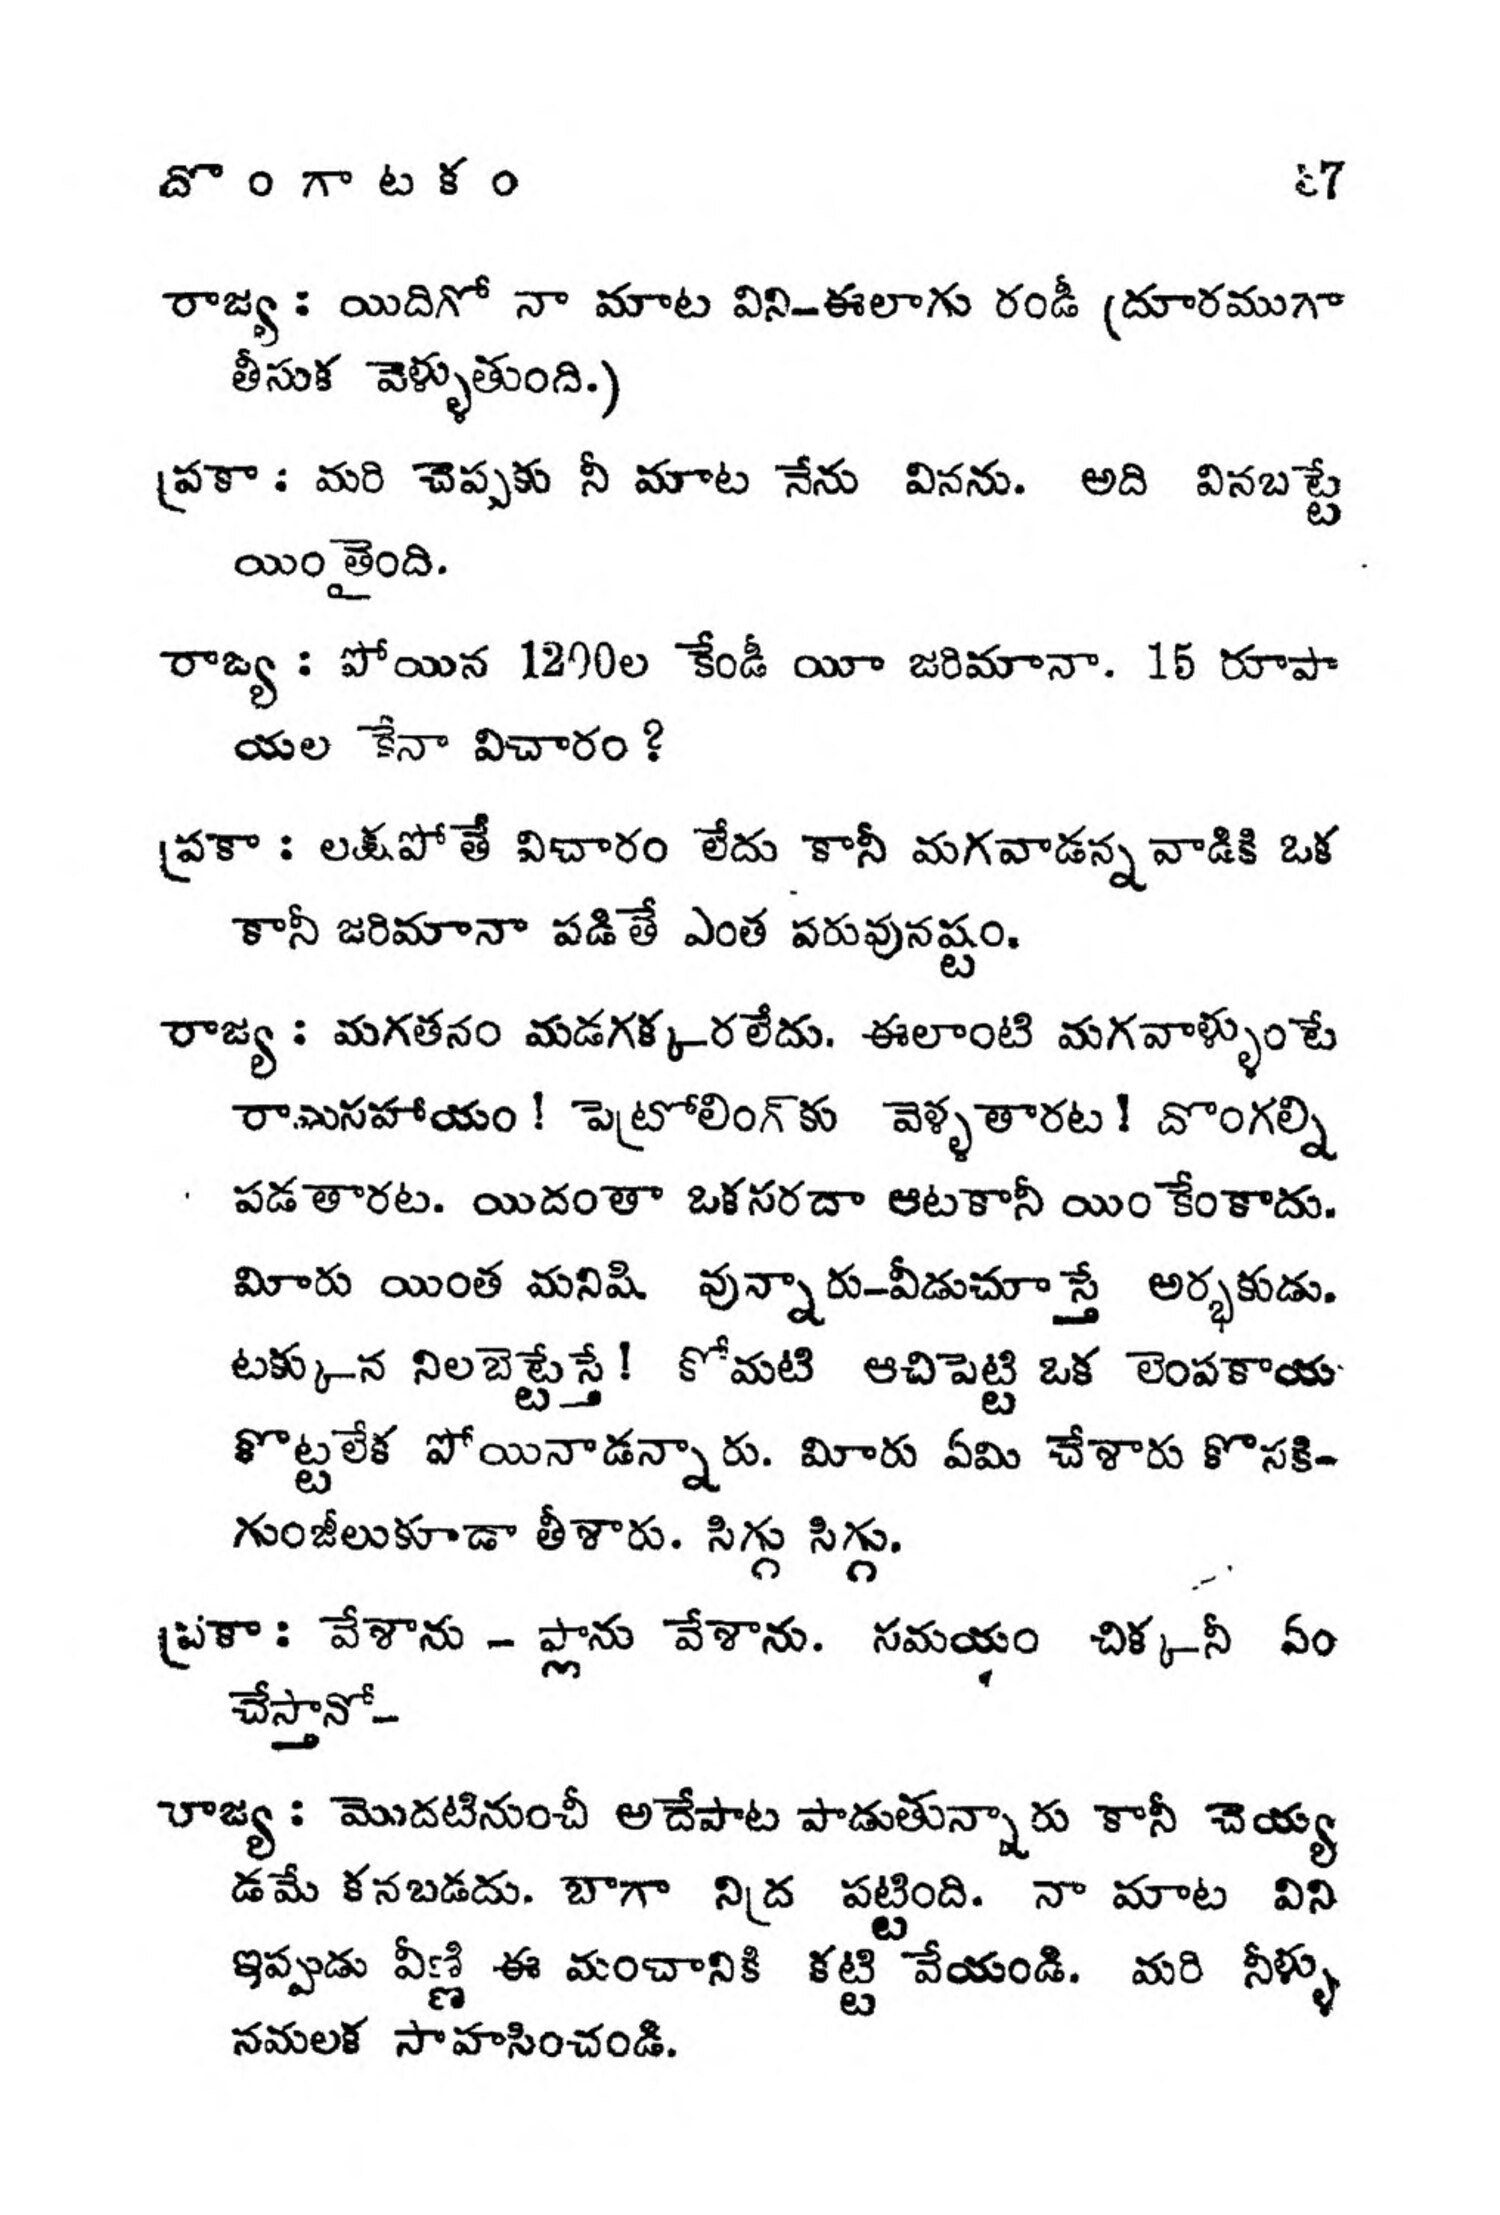రాజ్య : యిదిగో నా మాట విని - ఈలాగు రండీ (దూరముగా తీసుక వెళ్ళుతుంది.)

ప్రకా : మరి చెప్పకు నీ మాట నేను వినను. అది వినబట్టే యింతైంది.

రాజ్య : పోయిన 1200ల కేండీ యీ జరిమానా. 15 రూపాయల కేనా విచారం ?

ప్రకా : లక్ష పోతే విచారం లేదు కానీ మగవాడన్న వాడికి ఒక కానీ జరిమానా పడితే ఎంత పరువునష్టం.

రాజ్య : మగతనం మడగక్కరలేదు. ఈలాంటి మగవాళ్ళుంటే రామసహాయం! పెట్రోలింగ్‌కు వెళ్ళతారట! దొంగల్ని
పడతారట. యిదంతా ఒక సరదా ఆటకానీ యింకేంకాదు. విూరు యింత మనిషి వున్నారు - వీడుచూస్తే అర్భకుడు.
టక్కున నిలబెట్టేస్తే! కోమటి ఆచిపెట్టి ఒక లెంపకాయ కొట్టలేక పోయినాడన్నారు. మీరు ఏమి చేశారు కొసకి -
గుంజీలుకూడా తీశారు. సిగ్గు సిగ్గు.

ప్రకా : వేశాను - ప్లాను వేశాను. సమయం చిక్కనీ ఏం చేస్తానో-

రాజ్య : మొదటినుంచీ అదేపాట పాడుతున్నారు కానీ చెయ్యడమే కనబడదు. బాగా నిద్ర పట్టింది. నా మాట విని
ఇప్పుడు వీణ్ణి ఈ మంచానికి కట్టి వేయండి. మరి నీళ్ళు నమలక సాహసించండి.